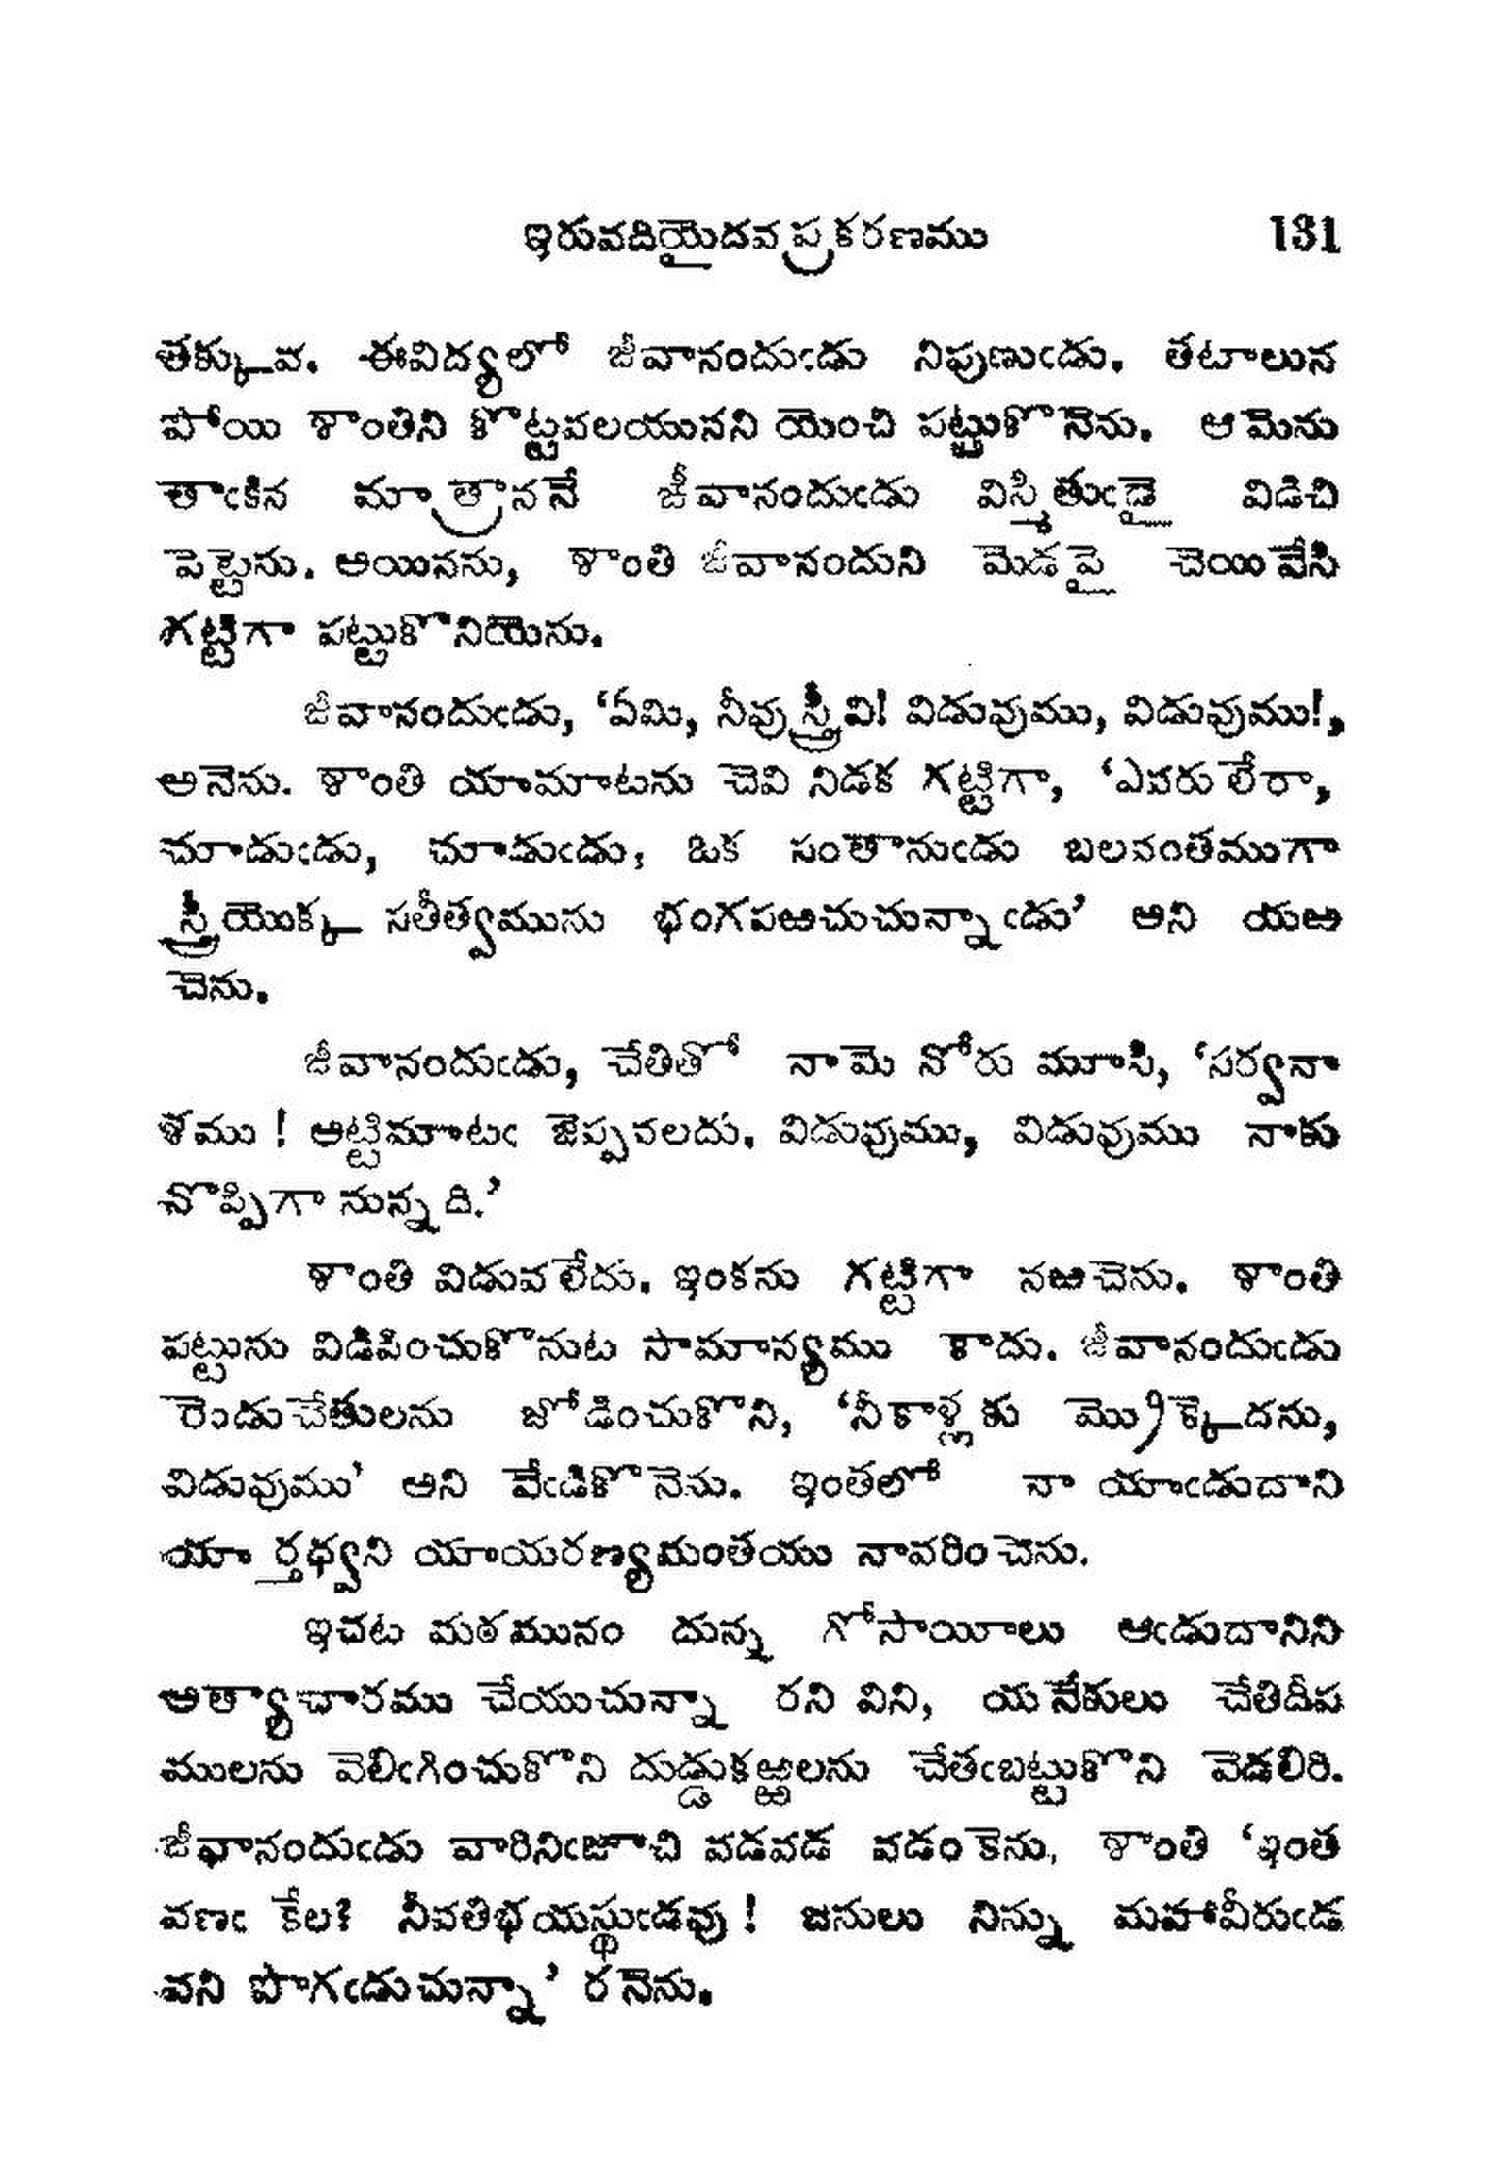తక్కువ. ఈవిద్యలో జీవానందుఁడు నిపుణుఁడు, తటాలున పోయి శాంతిని కొట్టవలయునని యెంచి పట్టుకొనెను. ఆమెను
తాఁకిన మాత్రాననే జీవానందుఁడు విస్మితుడై విడిచి పెట్టెను. అయినను, శాంతి జీవానందుని మెడపై చెయి వేసి గట్టిగా పట్టుకొనియెను.

జీవానందుఁడు, 'ఏమి, నీవు స్త్రీవి! విడువుము, విడువుము!,అనెను. శాంతి యామాటను చెవి నిడక గట్టిగా, 'ఎవరు లేరా, చూడుడు, చూడుఁడు, ఒక సంతానుఁడు బలవంతముగా స్త్రీ యొక్క సతీత్వమును భంగపఱచుచున్నాఁడు' అని
యఱచెను.

నా యాఁడుదాని జీవానందుఁడు, చేతితో నామె నోరు మూసి, 'సర్వనాశము ! అట్టిమాటఁ జెప్పవలదు, విడువుము, విడువుము నాకు నోప్పిగా నున్నది.'

శాంతి విడువ లేదు. ఇంకను గట్టిగా నఱచెను. శాంతి పట్టును విడిపించుకొనుట సామాన్యము కాదు. జీవానందుఁడు
రెండు చేతులను జోడించుకొని, “నీ కాళ్లకు మొక్కెదను, విడువుము' అని వేఁడికొనెను. ఇంతలో నా యాఁడుదాని
యార్తధ్వని యాయరణ్య మంతయు నావరించెను.

ఇచట మఠమునం దున్న గోసాయీలు ఆఁడుదానిని అత్యాచారము చేయుచున్నా రని విని, యనేకులు చేతిదీపములను వెలిఁగించుకొని దుడ్డుకఱ్ఱలను చేతఁబట్టుకొని వెడలిరి. జీవానందుఁడు వారినిఁజూచి వడవడ వడంకెను, శాంతి ‘ఇంత
వణఁ కేల? నీవతి భయస్థుఁడవు ! జనులు నిన్ను మహావీరుఁడవని పొగఁడుచున్నా' రనెను.